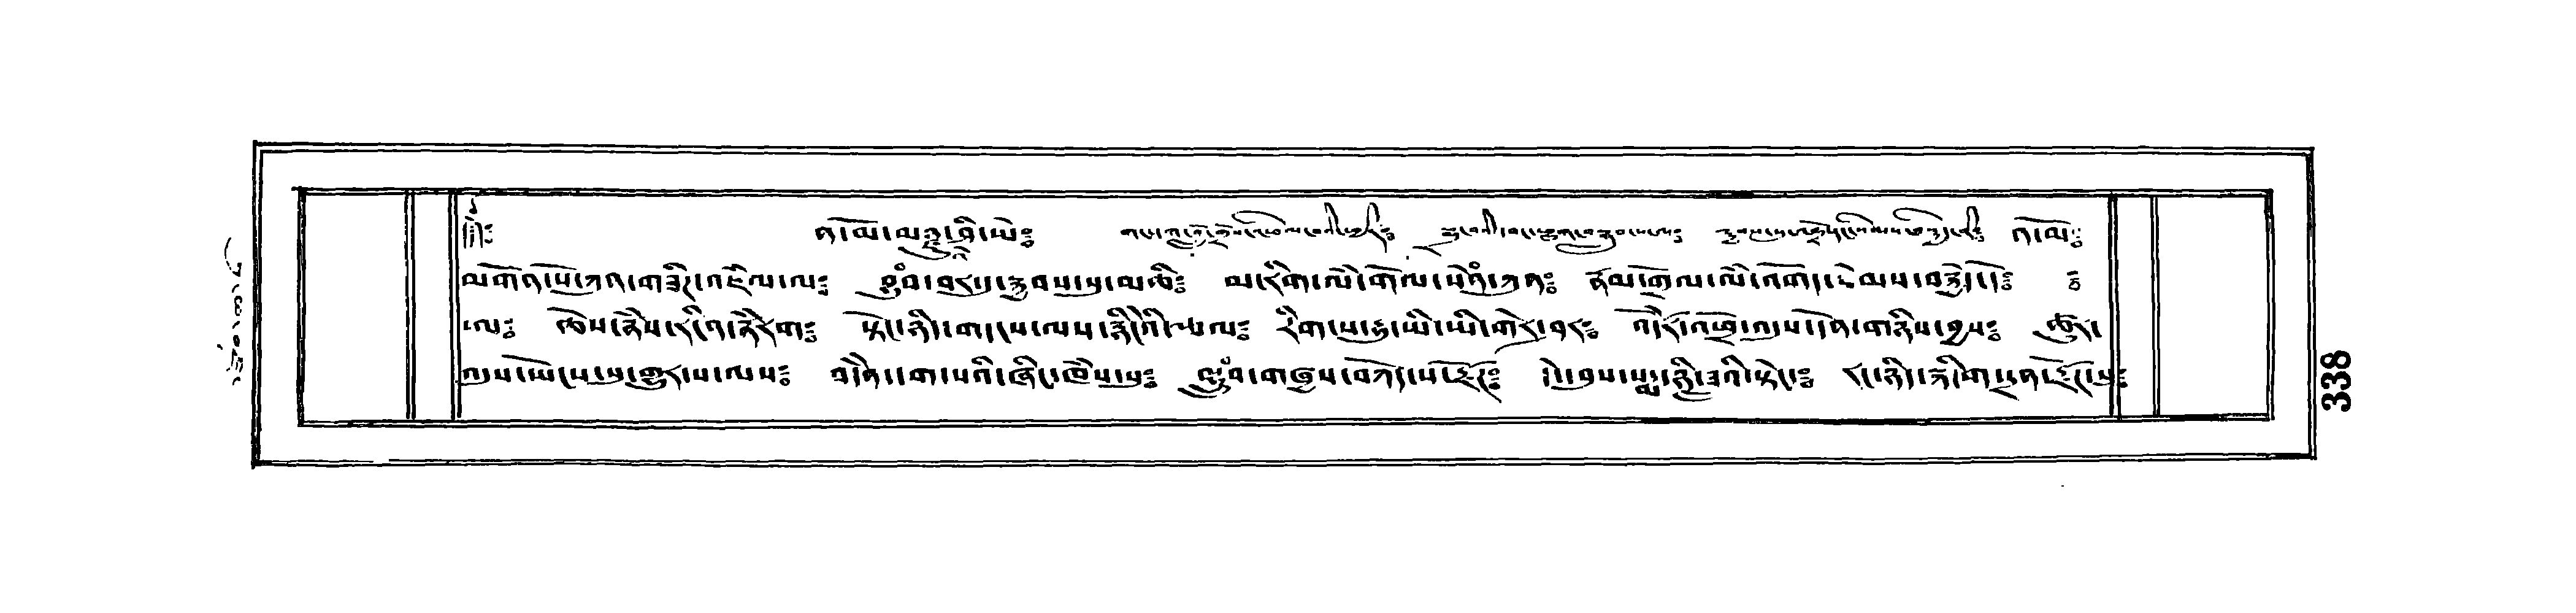ན་མོ་མཉྫུ་ཤྲཱི་ཡེ༔ གང་དག་བློ་གྲོས་འཕེལ་བའི་ཕྱིར༔ སྨྲ་བའི་དབང་ཕྱུག་བསྒྲུབ་པ་ལ༔ སྐྱབས་སུ་འགྲོ་དང་སེམས་བསྐྱེད་ནི༔ ན་མོ༔ 
མགོན་པོ་ཀུན་གཟིགས་འཇམ་དཔལ་ལ༔ བྱང་ཆུབ་བར་དུ་སྐྱབས་སུ་མཆི༔ མ་རིག་ལམ་གོལ་སེམས་ཅན་ཀུན༔ རྣམ་གྲོལ་ལམ་འགོད་སེམས་བསྐྱེད་དོ༔ 
ཨཱཿ ཆོས་རྣམས་རང་བཞིན་རྣམ་པར་བདག༔ སྟོང་ཉིད་གདངས་ལས་སྙིང་རྗེའི་རྩལ༔ རིག་པ་རྒྱུ་ཡི་ཡི་གེར་ཤར༔ འོད་ཟེར་འཕྲོ་འདུས་དོན་གཉིས་བྱས༔ ཚུར་
འདུས་ཡོངས་སུ་གྱུར་པ་ལས༔ བདེ་ཆེན་དག་པའི་ཞིང་ཁམས་སུ༔ ལྷུན་གྲུབ་གཞལ་ཡས་བཀོད་པ་རྫོགས༔ དེ་དབུས་པདྨ་ཉི་ཟླའི་སྟེང༔ རང་ཉིད་སྐད་ཅིག་དྲན་རྫོགས་སུ༔